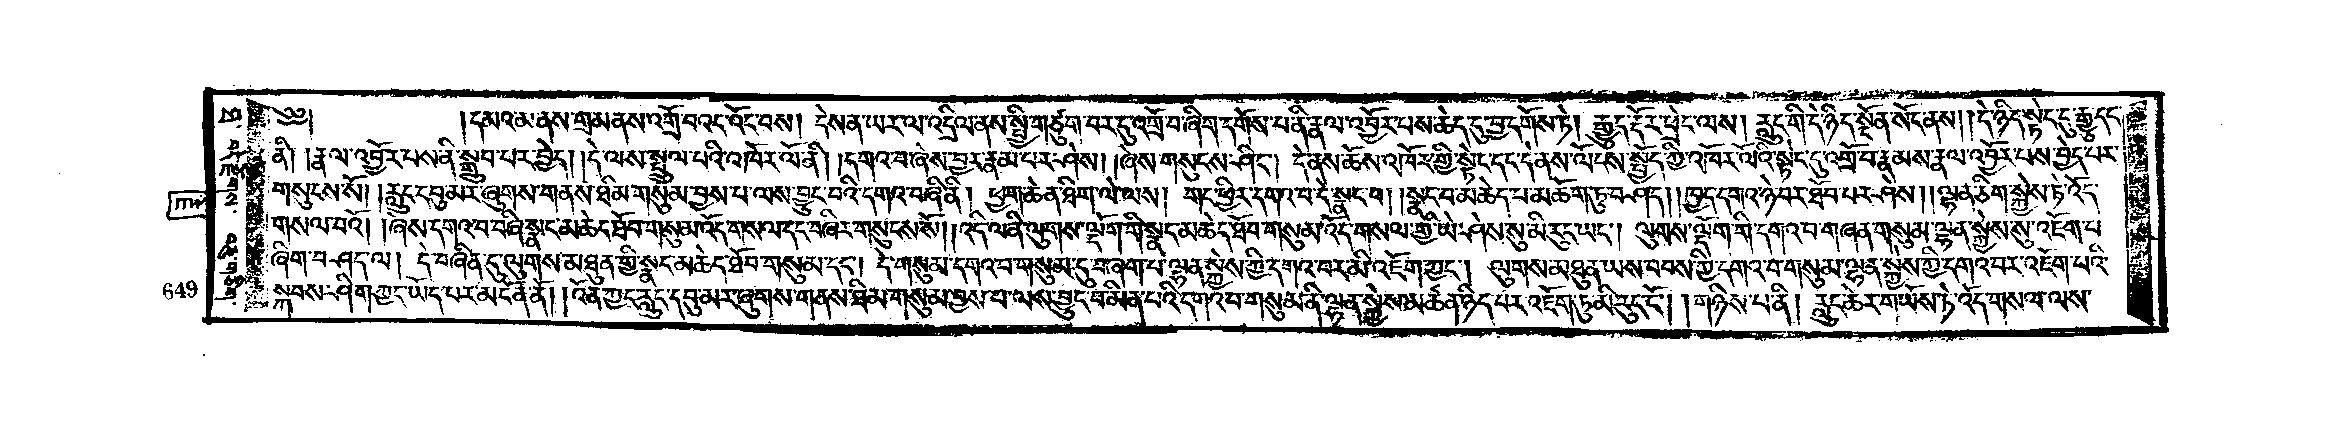༄༅། །དམའ་མ་ནས་གྲམ་ནས་འགྲོ་བའང་འོང་བས། དེས་ན་ཡར་ལ་འདྲིལ་ནས་སྤྱི་གཅུག་བར་དུ་འགྲོ་བ་ཞིག་དགོས་པ་ནི་རྣལ་འབྱོར་པས་ཆེད་དུ་བྱ་དགོས་ཏེ། རྒྱུད་རྡོར་ཕྲེང་ལས། རླུང་གི་དེ་ཉིད་སྔོན་སོང་ནས། །དེ་ཉིད་སྟེང་དུ་རྒྱུ་བར་
ནི། །རྣལ་འབྱོར་པས་ནི་སྒྲུབ་པར་བྱེད། །དེ་ལས་སྤྲུལ་པའི་འཁོར་ལོ་ནི། །དགའ་བ་ཞེས་བྱར་རྣམ་པར་ཤེས། །ཞེས་གསུངས་ཤིང་། དེ་ནས་ཆོས་འཁོར་གྱི་སྟེང་དང་དེ་ནས་ལོངས་སྤྱོད་ཀྱི་འཁོར་ལོའི་སྟེང་དུ་འགྲོ་བ་རྣམས་རྣལ་འབྱོར་པས་བྱེད་པར་
གསུངས་སོ། །རླུང་དབུ་མར་ཞུགས་གནས་ཐིམ་གསུམ་བྱས་པ་ལས་བྱུང་བའི་དགའ་བཞི་ནི། ཕྱག་ཆེན་ཐིག་ལེ་ལས། གང་ཕྱིར་དགའ་བ་དེ་སྣང་བ། །སྣང་བ་མཆེད་པ་མཆོག་ཏུ་བཤད། །ཁྱད་དགའ་ཉེ་བར་ཐོབ་པར་ཤེས། །ལྷན་ཅིག་སྐྱེས་ཏེ་འོད་
གསལ་བའོ། །ཞེས་དགའ་བ་བཞི་སྣང་མཆེད་ཐོབ་གསུམ་འོད་གསལ་དང་བཞིར་གསུངས་སོ། །འདི་ལ་ནི་ལུགས་ལྡོག་གི་སྣང་མཆེད་ཐོབ་གསུམ་འོད་གསལ་གྱི་ཡེ་ཤེས་སུ་མི་རུང་ཡང་། ལུགས་ལྡོག་གི་དགའ་བ་གཞན་གསུམ་ལྷན་སྐྱེས་སུ་འཇོག་པ་
ཞིག་བཤད་ལ། དེ་བཞིན་དུ་ལུགས་མཐུན་གྱི་སྣང་མཆེད་ཐོབ་གསུམ་དང་། དེ་གསུམ་དགའ་བ་གསུམ་དུ་བཞག་པ་ལྷན་སྐྱེས་ཀྱི་དགའ་བར་མི་འཇོག་ཀྱང་། ལུགས་མཐུན་ཡས་བབས་ཀྱི་དགའ་བ་གསུམ་ལྷན་སྐྱེས་ཀྱི་དགའ་བར་འཇོག་པའི་
སྐབས་ཤིག་ཀྱང་ཡོད་པར་མངོན་ནོ། །འོན་ཀྱང་རླུང་དབུ་མར་ཞུགས་གནས་ཐིམ་གསུམ་བྱས་པ་ལས་བྱུང་བ་མིན་པའི་དགའ་བ་གསུམ་ནི་ལྷན་སྐྱེས་མཚན་ཉིད་པར་འཇོག་ཏུ་མི་རུང་ངོ། །གཉིས་པ་ནི། རླུང་ཆེར་གཡོས་ཏེ་འོད་གསལ་ལས་